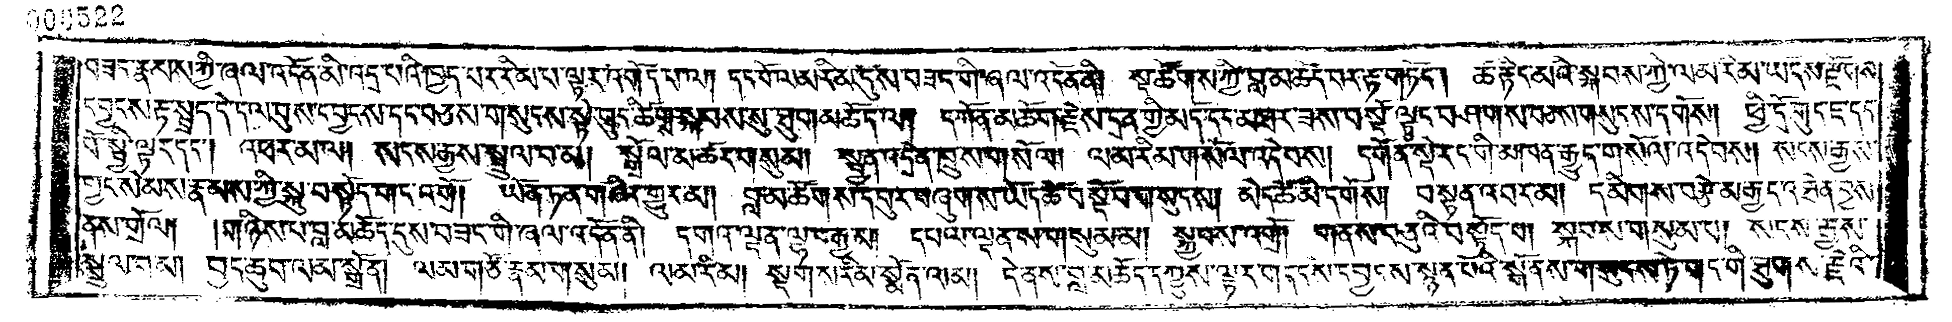བཟང་རྣམས་ཀྱི་ཞལ་འདོན་མི་འདྲ་བའི་ཁྱད་པར་རིམ་པ་ལྟར་འགོད་པ་ལ། དང་པོ་ལམ་རིམ་དུས་བཟང་གི་ཞལ་འདོན་ནི། སྔ་ཚོགས་ཀྱི་བླ་མཆོད་པར་རྟ་གཏོང་། ཚ་རྟིང་མའི་སྐབས་ཀྱི་ལམ་རིམ་ཡོངས་རྫོགས་
དབྱངས་རྟ་སྦྲད་དེ་དལ་བུས་དབྱངས་དང་བཅས་གསུངས་སྟེ་གུང་ཚིགས་སྐབས་སུ་ཐུག་མཆོད་ལ། དཀོན་མཆོག་རྗེས་དྲན་གྱི་མདོ་དང་མཐར་ཟས་བསྔོ་ལྟུང་བཤགས་བཅས་གསུངས་དགོས། ཕྱི་དྲོ་གུང་ཇ་དང་
པོ་སྤྱི་ལྟར་དང་། འཕར་མ་ལ། སངས་རྒྱས་སྤྲུལ་པ་མ། སྒྲོལ་མ་ཚར་གསུམ། སྤྱན་འདྲེན་ཁྲུས་གསོལ། ལམ་རིམ་གསོལ་འདེབས། དགོན་སྡེ་རང་གི་མཁན་རྒྱུད་གསོལ་འདེབས། སངས་རྒྱས་
བྱང་སེམས་རྣམས་ཀྱི་སྐུ་བསྟོད་གང་འགྲོ། ཡོན་ཏན་གཞིར་གྱུར་མ། བླ་མ་ཚོགས་དབུར་བཞུགས་ཡོད་ཚེ་བསྔོ་བ་གསུངས། མེད་ཚེ་མི་དགོས། བསྟན་འབར་མ། དམིགས་བརྩེ་མ་རྒྱང་འཐེན་བྱས་
ནས་གྲོལ། །གཉིས་པ་བླ་མཆོད་དུས་བཟང་གི་ཞལ་འདོན་ནི། དགའ་ལྡན་ལྷ་བརྒྱ་མ། དཔལ་ལྡན་ས་གསུམ་མ། སྐྱབས་འགྲོ། གནས་བཅུའི་བསྟོད་པ། སྐབས་གསུམ་པ། སངས་རྒྱས་
སྤྲུལ་བ་མ། བྱང་ཆུབ་ལམ་སྒྲོན། ལམ་གཙོ་རྣམ་གསུམ། ལམ་རིམ། སྔགས་རིམ་སྨོན་ལམ། དེ་ནས་བླ་མཆོད་དཀྱུས་ལྟར་གདངས་དབྱངས་སྙན་པོའི་སྒོ་ནས་གསུངས་ཏེ་གང་གི་ཐུགས་རྗེའི་